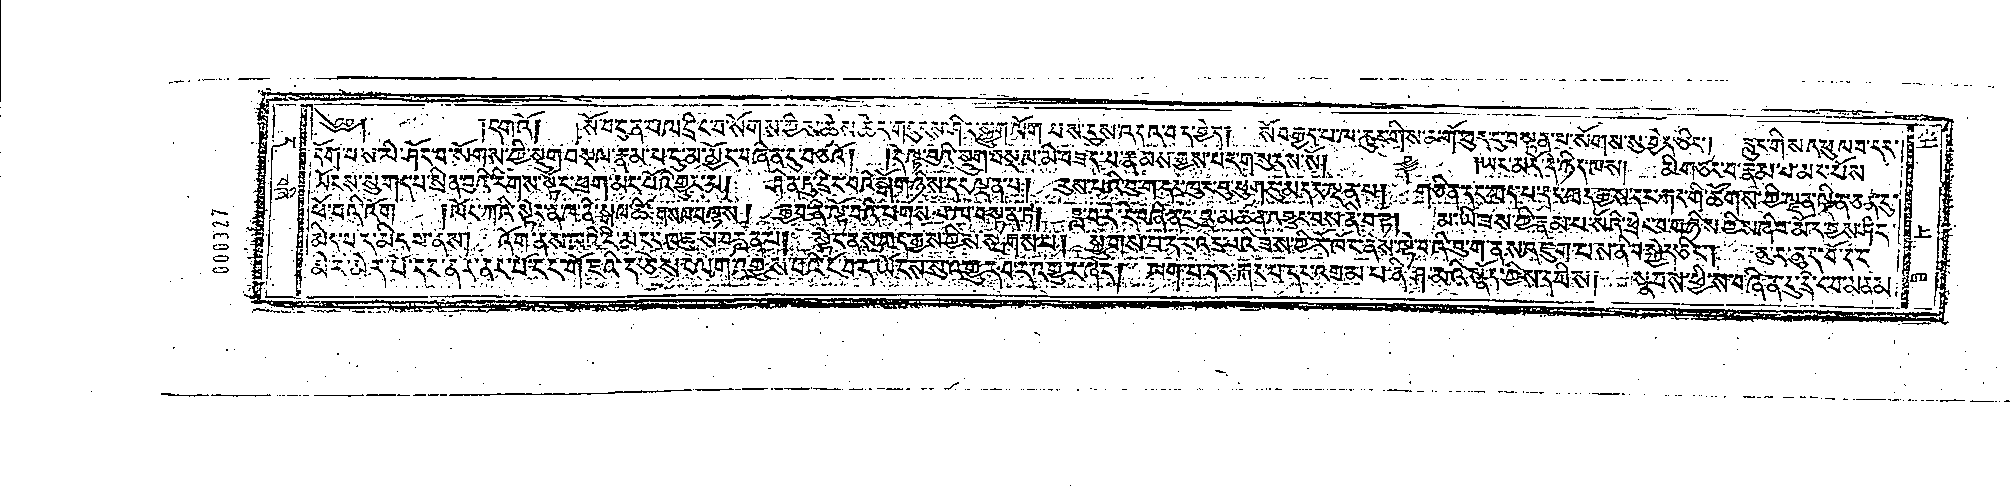༄༅། །དགའོ། །སོ་བདུན་པལ་དྲིང་བ་སོགས་ཀྱིས་ཆེས་ཆེར་གདུངས་ཤིང་སྐྱུག་ལོག་པས་དུས་འདའ་བར་བྱེད། སོ་བརྒྱད་པ་ལ་རླུང་གིས་མགོ་ཐུར་དུ་བསྟན་པ་སོགས་སུ་བྱེད་ཅིང་། རླུང་གིས་འཕྲུལ་བ་དང་
དོག་པས་མི་ཤོང་བ་སོགས་ཀྱི་སྡུག་བསྔལ་རྣམ་པ་དུ་མ་མྱོང་བཞིན་དུ་བཙའོ། །དེ་ལྟ་བུའི་སྡུག་བསྔལ་མི་བཟད་པ་རྣམས་རྒྱས་པར་གསུངས་སོ། ༈ །ཡང་མདོ་དེ་ཉིད་ལས། མི་གཙང་བ་རྣམ་པ་མང་པོས་
ཡོངས་སུ་གད་པ་སྲིན་བུའི་རིགས་སྟོང་ཕྲག་མང་པོའི་གྱུར་པ། ཤིན་ཏུ་དྲིང་བའི་སྒོ་གཉིས་དང་ལྡན་པ། རུས་པའི་བུ་ག་དང་ཁུར་བུ་ཕུག་དུ་མདར་ལྡན་པ། གཅིན་དང་ཀླད་པ་དང་ཀླད་རྒྱས་དང་རྐང་གི་ཚོགས་ཀྱི་ལྗན་ལྗིན་ཅན་དུ་
ཕོ་བའི་འོབ། །ལོང་ཀའི་སྟེང་ན་ཁ་ནི་སྒལ་ཚི་གསལ་བ་ལྟས། རྒྱབ་ནི་ལྟོ་བའི་ཕགས་པ་ལ་བསྟན་ཏེ། ཟླ་བ་རེ་རེ་བཞིན་དུ་ཟླ་མཚན་འབྱུང་བས་ནི་བརྟ། མ་ཡི་ཟས་ཀྱི་རྣམ་པ་སོའི་ཕྲེང་བ་གཉིས་ཀྱིས་ཞིབ་མོད་བྱས་ཤིང་
མིང་པར་མིང་པ་ནས། འོག་ནས་ཁའི་དི་མདང་ཁ་ཆུས་བརླན་པ། སྟེད་ནས་ཀླད་རྒྱས་ཀྱིས་སྤགས་པ། སྐྱུགས་པ་དང་འདྲ་བའི་ཟས་ཀྱི་རོ་ཁོང་ནས་ལྟེ་བའི་བུ་ག་ནས་འཇུག་པས་ནི་བསྐྱེད་ཅིང་། ནུར་ནུར་བོ་དང་
མེར་མེར་པོ་དང་ནར་ནར་པོ་དང་གོ་ཇའི་ད་ཅེས་བ་ལག་འགྱུས་པའི་ངོ་བོར་ཡོངས་སུ་འགྱུར་བར་འགྱུར་ཞེང་། ལག་པ་དང་རྐང་པ་དང་འགྲམ་པ་ནི་ཤ་མའི་སྣོད་ཀྱིས་དཀྲིས། སྣབས་ཕྱི་ས་བཞིན་དུ་དྲི་ང་པ་མནམ་